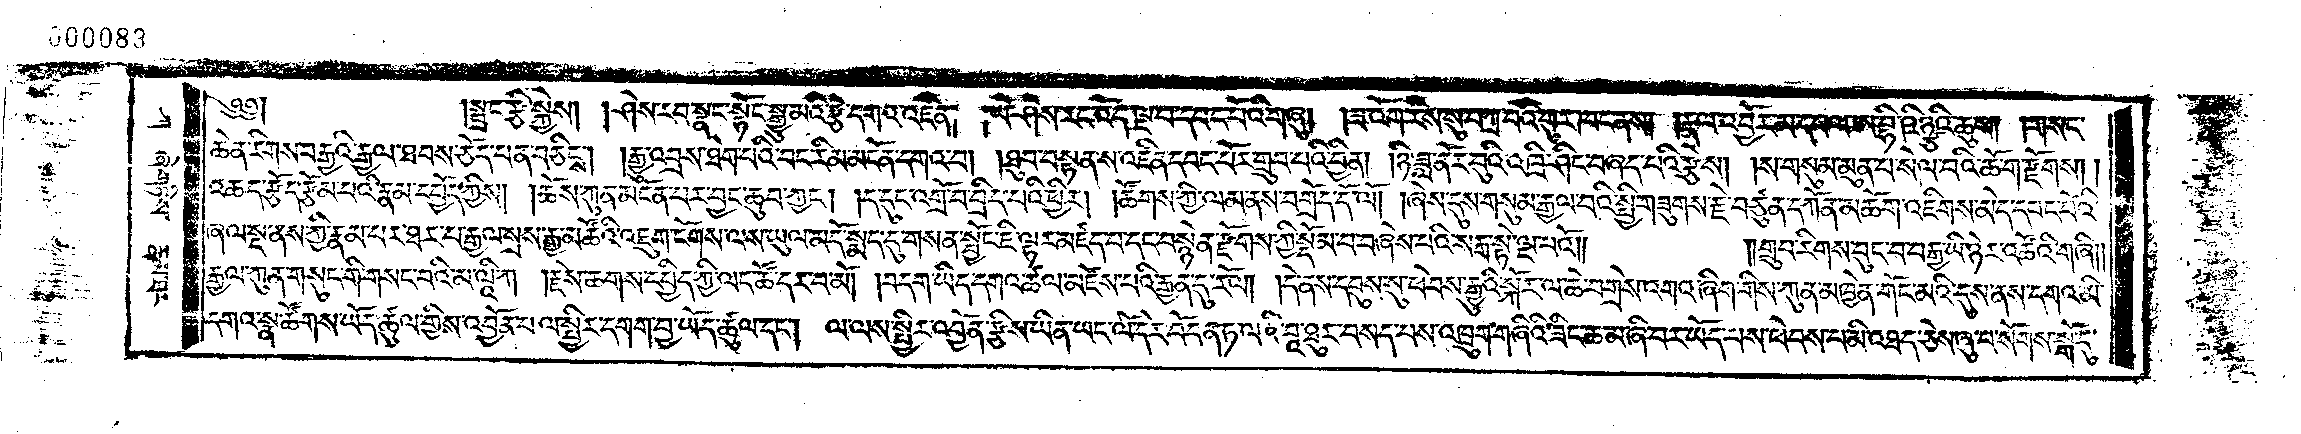༄༅། །སྦྲང་རྩི་སྐྱེས། །ཤེས་རབ་སྣང་སྟོང་རྒྱུ་མའི་རྩེ་དགའ་འཛིན། །ཡེ་ཤེས་རང་འོད་ལྔ་པ་དབང་པོའི་གཞུ། །ཟ་འོག་རིས་སུ་བཀྲ་བའི་གུར་ཁང་ནས། །རྣལ་འབྱོར་མ་དཔལ་ཨ་བྷི་ཥིཉྩའི་ཆུས། །གསང་
ཆེན་རིགས་བརྒྱའི་རྒྱལ་ཐབས་ཅོད་པན་བཅིངས། །རྒྱུ་འབྲས་ཐེག་པའི་བང་རིམ་མངོན་དགའ་བ། །ཐུབ་བསྟན་ས་འཛིན་དབང་པོར་གྲུབ་པའི་བྱིན། །ཉི་ཟླ་ནོར་བུའི་འཁྲི་ཤིང་བཞད་པའི་རྩེས། །ས་གསུམ་མུན་པ་སེལ་བའི་ཆོ་ག་རྫོགས།
འཆད་རྩོད་རྩོམ་པའི་རྣམ་དཔྱོད་ཀྱིས། །ཆོས་ཀུན་མངོན་པར་བྱང་ཆུབ་ཀྱང་། །ད་དུང་འགྲོ་བ་བྲིད་པའི་ཕྱིར། །ཚོགས་ཀྱི་ལམ་ནས་བགྲོད་དོ་ལོ། །ཞེས་དུས་གསུམ་རྒྱལ་བའི་སྤྱི་གཟུགས་རྗེ་བཙུན་དཀོན་མཆོག་འཇིགས་མེད་དབང་པོའི་
ཞལ་སྔ་ནས་ཀྱི་རྣམ་པར་ཐར་པ་རྒྱལ་སྲས་རྒྱ་མཚོའི་འཇུག་ངོགས་ལས་ཡུལ་མདོ་སྨད་དུ་གསན་སྦྱོང་ཇི་ལྟར་མཛད་པ་དང་བསྙེན་རྫོགས་ཀྱི་སྡོམ་པ་བཞེས་པའི་སརྒ་སྟེ་ལྔ་པའོ།། །།གྲུབ་རིགས་བུང་བ་བརྒྱ་ཡི་ཉེར་འཚོའི་གཞི།།
རྒྱལ་ཀུན་གསུང་གི་གསང་བའི་མ་ལཱི་ཀ །རྗེས་ཆགས་དབྱིད་ཀྱི་ལང་ཚོ་དར་བ་མོ། །བདག་ཡིད་དགའ་ཚལ་མཛེས་པའི་རྒྱན་དུ་རོལ། །དེ་ནས་དབུས་སུ་ཕེབས་རྒྱུའི་སྐོར་ལ་ཆེ་བགྲེས་འགའ་ཞིག་གིས་ཀུན་མཁྱེན་གོང་མའི་དུས་ནས་དགའ་མི་
དགའ་སྣ་ཚོགས་ཡོད་ཚུལ་གྱིས་འབྱོན་པ་ལ་སྤྱིར་དགག་བྱ་ཡོད་ཚུལ་དང་། ལ་ལས་སྤྱིར་འབྱོན་རྩིས་ཡིན་ཡང་ལོ་དེར་བདོན་ཏ་ལའི་བཱ་ཐུར་བསད་པས་འཁྲུག་གཞིའི་ཟིང་ཆ་མ་ཞི་བར་ཡོད་པས་ཕེབས་པ་མི་འཐད་ཅེས་ཞུ་བ་སོགས་སྒོ་དུ་